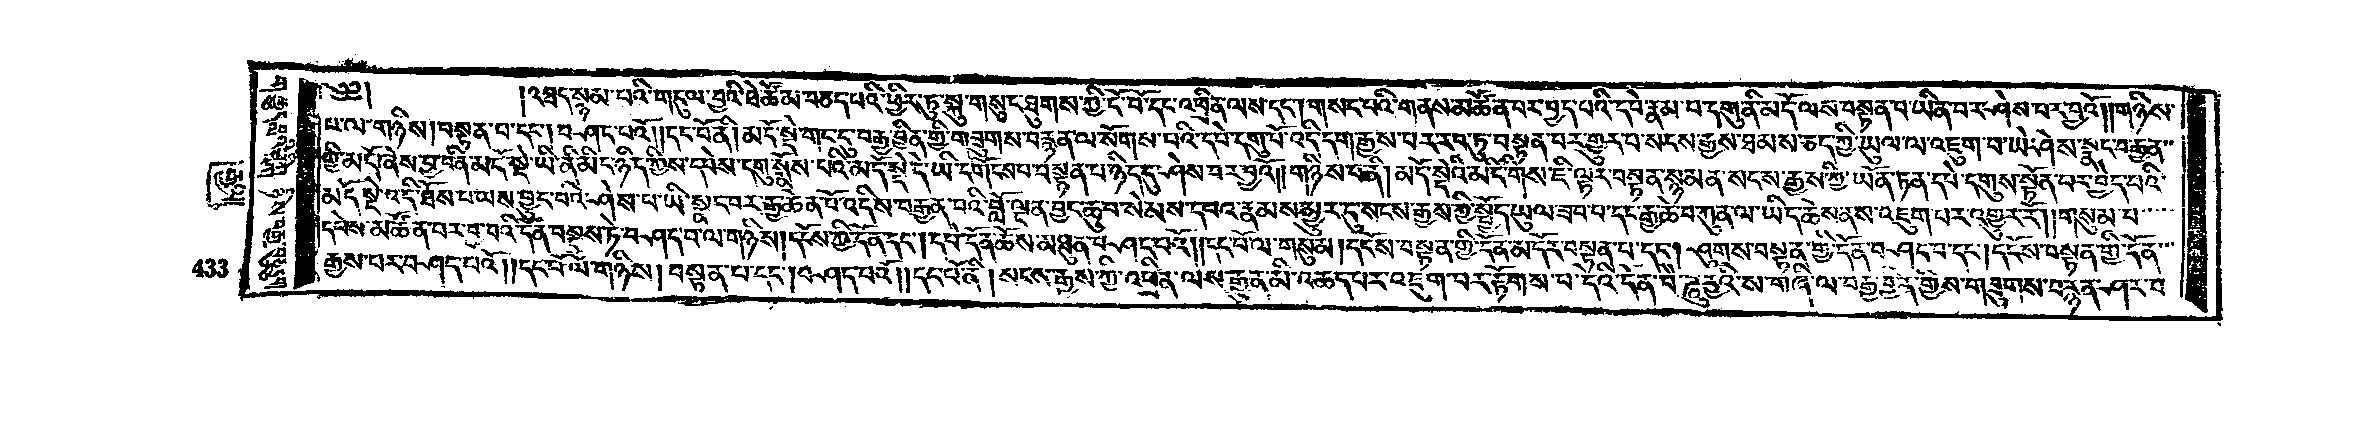༄༅། །འཐད་སྙམ་པའི་གདུལ་བྱའི་ཐེ་ཚོམ་བཅད་པའི་ཕྱིར་ཏུ་སྐུ་གསུང་ཐུགས་ཀྱི་ངོ་བོ་དང་འཕྲིན་ལས་དང་། གསང་པའི་གནས་མཚོན་པར་བྱད་པའི་དཔེ་རྣམ་པ་དགུ་ནི་མདོ་ལས་བསྟན་པ་ཡིན་པར་ཤེས་པར་བྱའོ། །གཉིས་
པ་ལ་གཉིས། བསྟན་པ་དང་། བཤད་པའོ། །དང་པོ་ནི། མདོ་སྡེ་གང་དུ་བརྒྱ་བྱིན་གྱི་གཟུགས་བརྙན་ལ་སོགས་པའི་དཔེ་དགུ་པོ་འདི་དག་རྒྱས་པར་རབ་ཏུ་བསྟན་པར་གྱུར་པ་སངས་རྒྱས་ཐམས་ཅད་ཀྱི་ཡུལ་ལ་འཇུག་པ་ཡེ་ཤེས་སྣང་བ་རྒྱན་
གྱི་མདོ་ཞེས་བྱ་བ་ནི་མདོ་སྡེ་ཡི་ནི་མིང་ཉིད་ཀྱིས་དཔེས་དགུ་སྨོས་པའི་མདོ་སྡེ་དེ་ཡི་དགོངས་པ་བསྟན་པ་ཉིད་དུ་ཤེས་པར་བྱའོ། །གཉིས་པ་ནི། མདོ་སྡེའི་མདོ་གིས་ཇི་ལྟར་བསྟན་སྙམ་ན་སངས་རྒྱས་ཀྱི་ཡོན་ཏན་དཔེ་དགུས་སྟོན་པར་བྱེད་པའི་
མདོ་སྡེ་འདི་ཐོས་པ་ལས་བྱུང་བའི་ཤེས་པ་ཡི་སྣང་བར་རྒྱ་ཆེན་པོ་འདིས་བརྒྱན་པའི་བློ་ལྡན་བྱང་ཆུབ་སེམས་དཔའ་རྣམས་མྱུར་དུ་སངས་རྒྱས་ཀྱི་སྤྱོད་ཡུལ་ཟབ་པ་དང་རྒྱ་ཆེ་བ་ཀུན་ལ་ཡིད་ཆེས་ནས་འཇུག་པར་འགྱུར་རོ། །གསུམ་པ་
དཔེས་མཚོན་པར་བྱ་བའི་དོན་བསྡུས་ཏེ་བཤད་པ་ལ་གཉིས། དངོས་ཀྱི་དོན་དང་། དཔེ་དོན་ཆོས་མཐུན་བཤད་པའོ། །དང་པོ་ལ་གསུམ། དངོས་བསྟན་གྱི་དོན་མདོར་བསྟན་པ་དང་། ཤུགས་བསྟན་གྱི་དོན་བཤད་པ་དང་། དངོས་བསྟན་གྱི་དོན་
རྒྱས་པར་བཤད་པའོ། །དང་པོ་ལ་གཉིས། བསྟན་པ་དང་། བཤད་པའོ། །དང་པོ་ནི། སངས་རྒྱས་ཀྱི་འཕྲིན་ལས་རྒྱུན་མི་འཆད་པར་འཇུག་པར་རྟོགས་པ་དེའི་དོན་བཻ་ཌཱུརྱའི་ས་གཞི་ལ་བརྒྱ་བྱིན་གྱིས་གཟུགས་བརྙན་ཤར་བ་